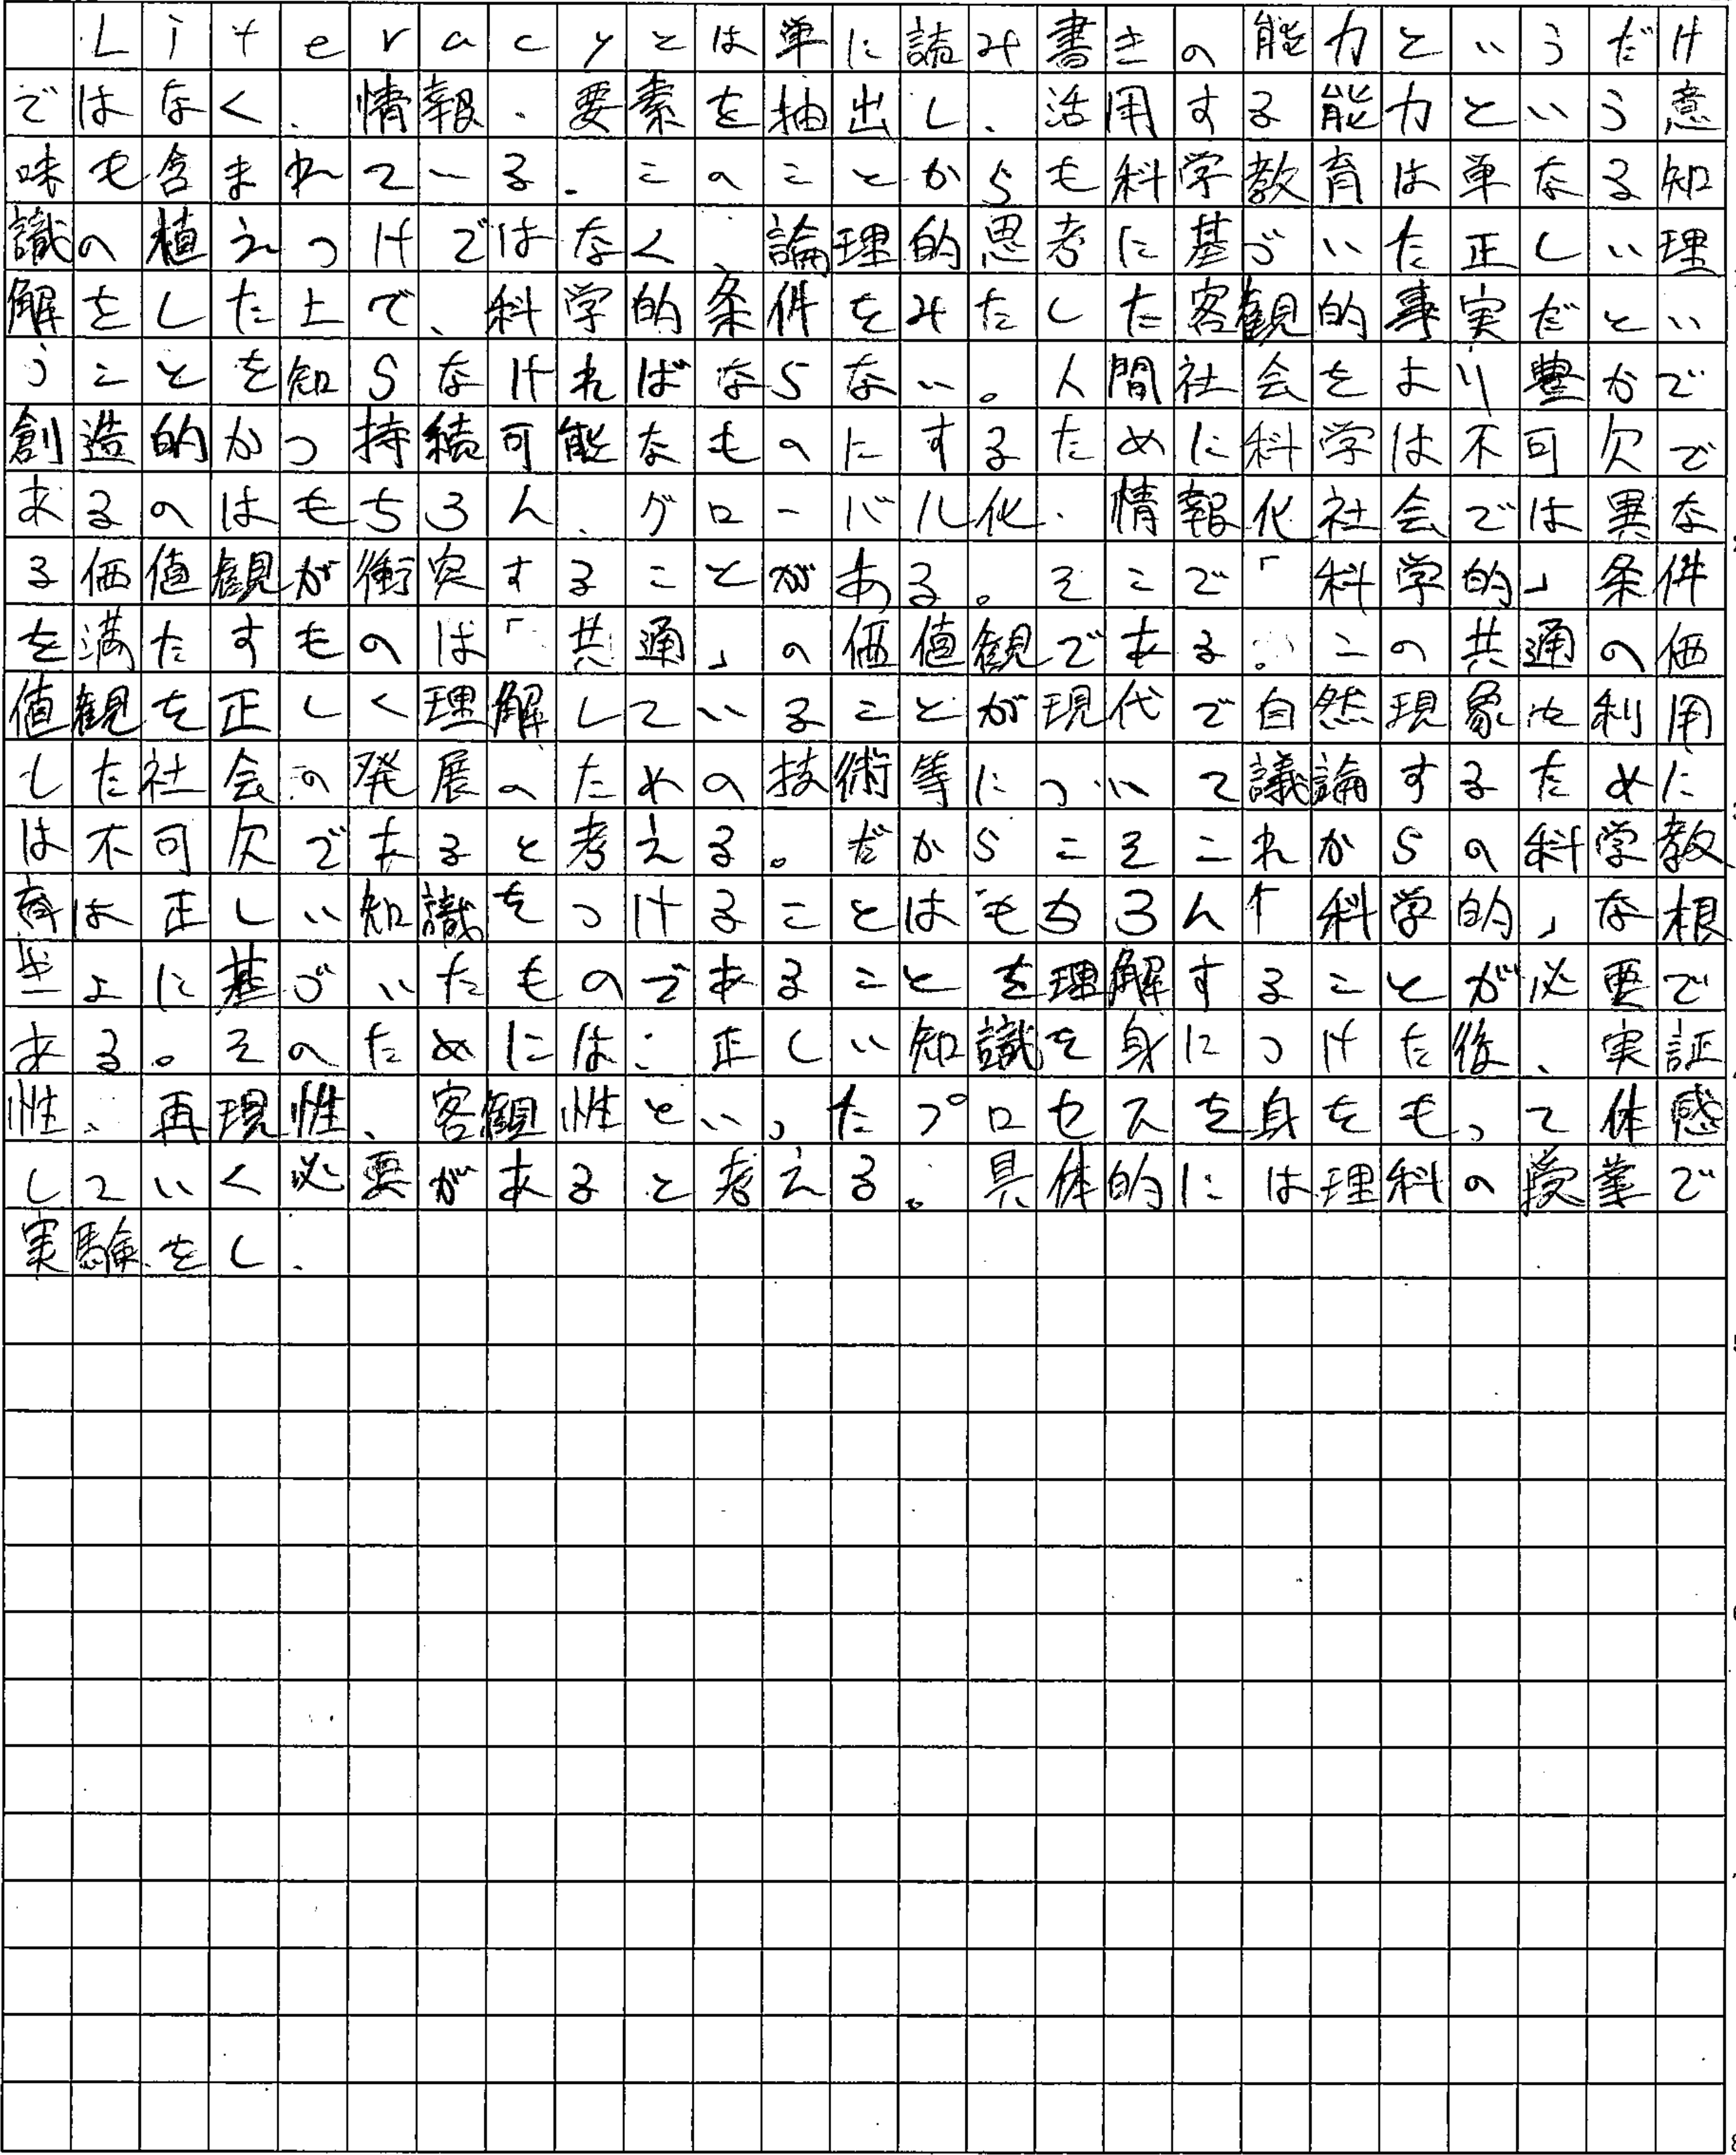　Ｌｉｔｅｒａｃｙとは単に読み書きの能力というだけではなく、情報・要素を抽出し、活用する能力という意味も含まれている。このことからも科学教育は単なる知識の植えつけではなく、論理的思考に基づいた正しい理解をした上で、科学的条件をみたした客観的事実だということを知らなければならない。人間社会をより豊かで創造的かつ持続可能なものにするために科学は不可欠であるのはもちろん、グローバル化・情報化社会では異なる価値観が衝突することがある。そこで「科学的」条件を満たすものは「共通」の価値観である。この共通の価値観を正しく理解していることが現代で自然現象を利用した社会の発展のための技術等について議論するためには不可欠であると考える。だからこそこれからの科学教育は正しい知識をつけることはもちろん「科学的」な根きょに基づいたものであることを理解することが必要である。そのためには、正しい知識を身につけた後、実証性、再現性、客観性といったプロセスを身をもって体感していく必要があると考える。具体的には理科の授業で実験をし、
